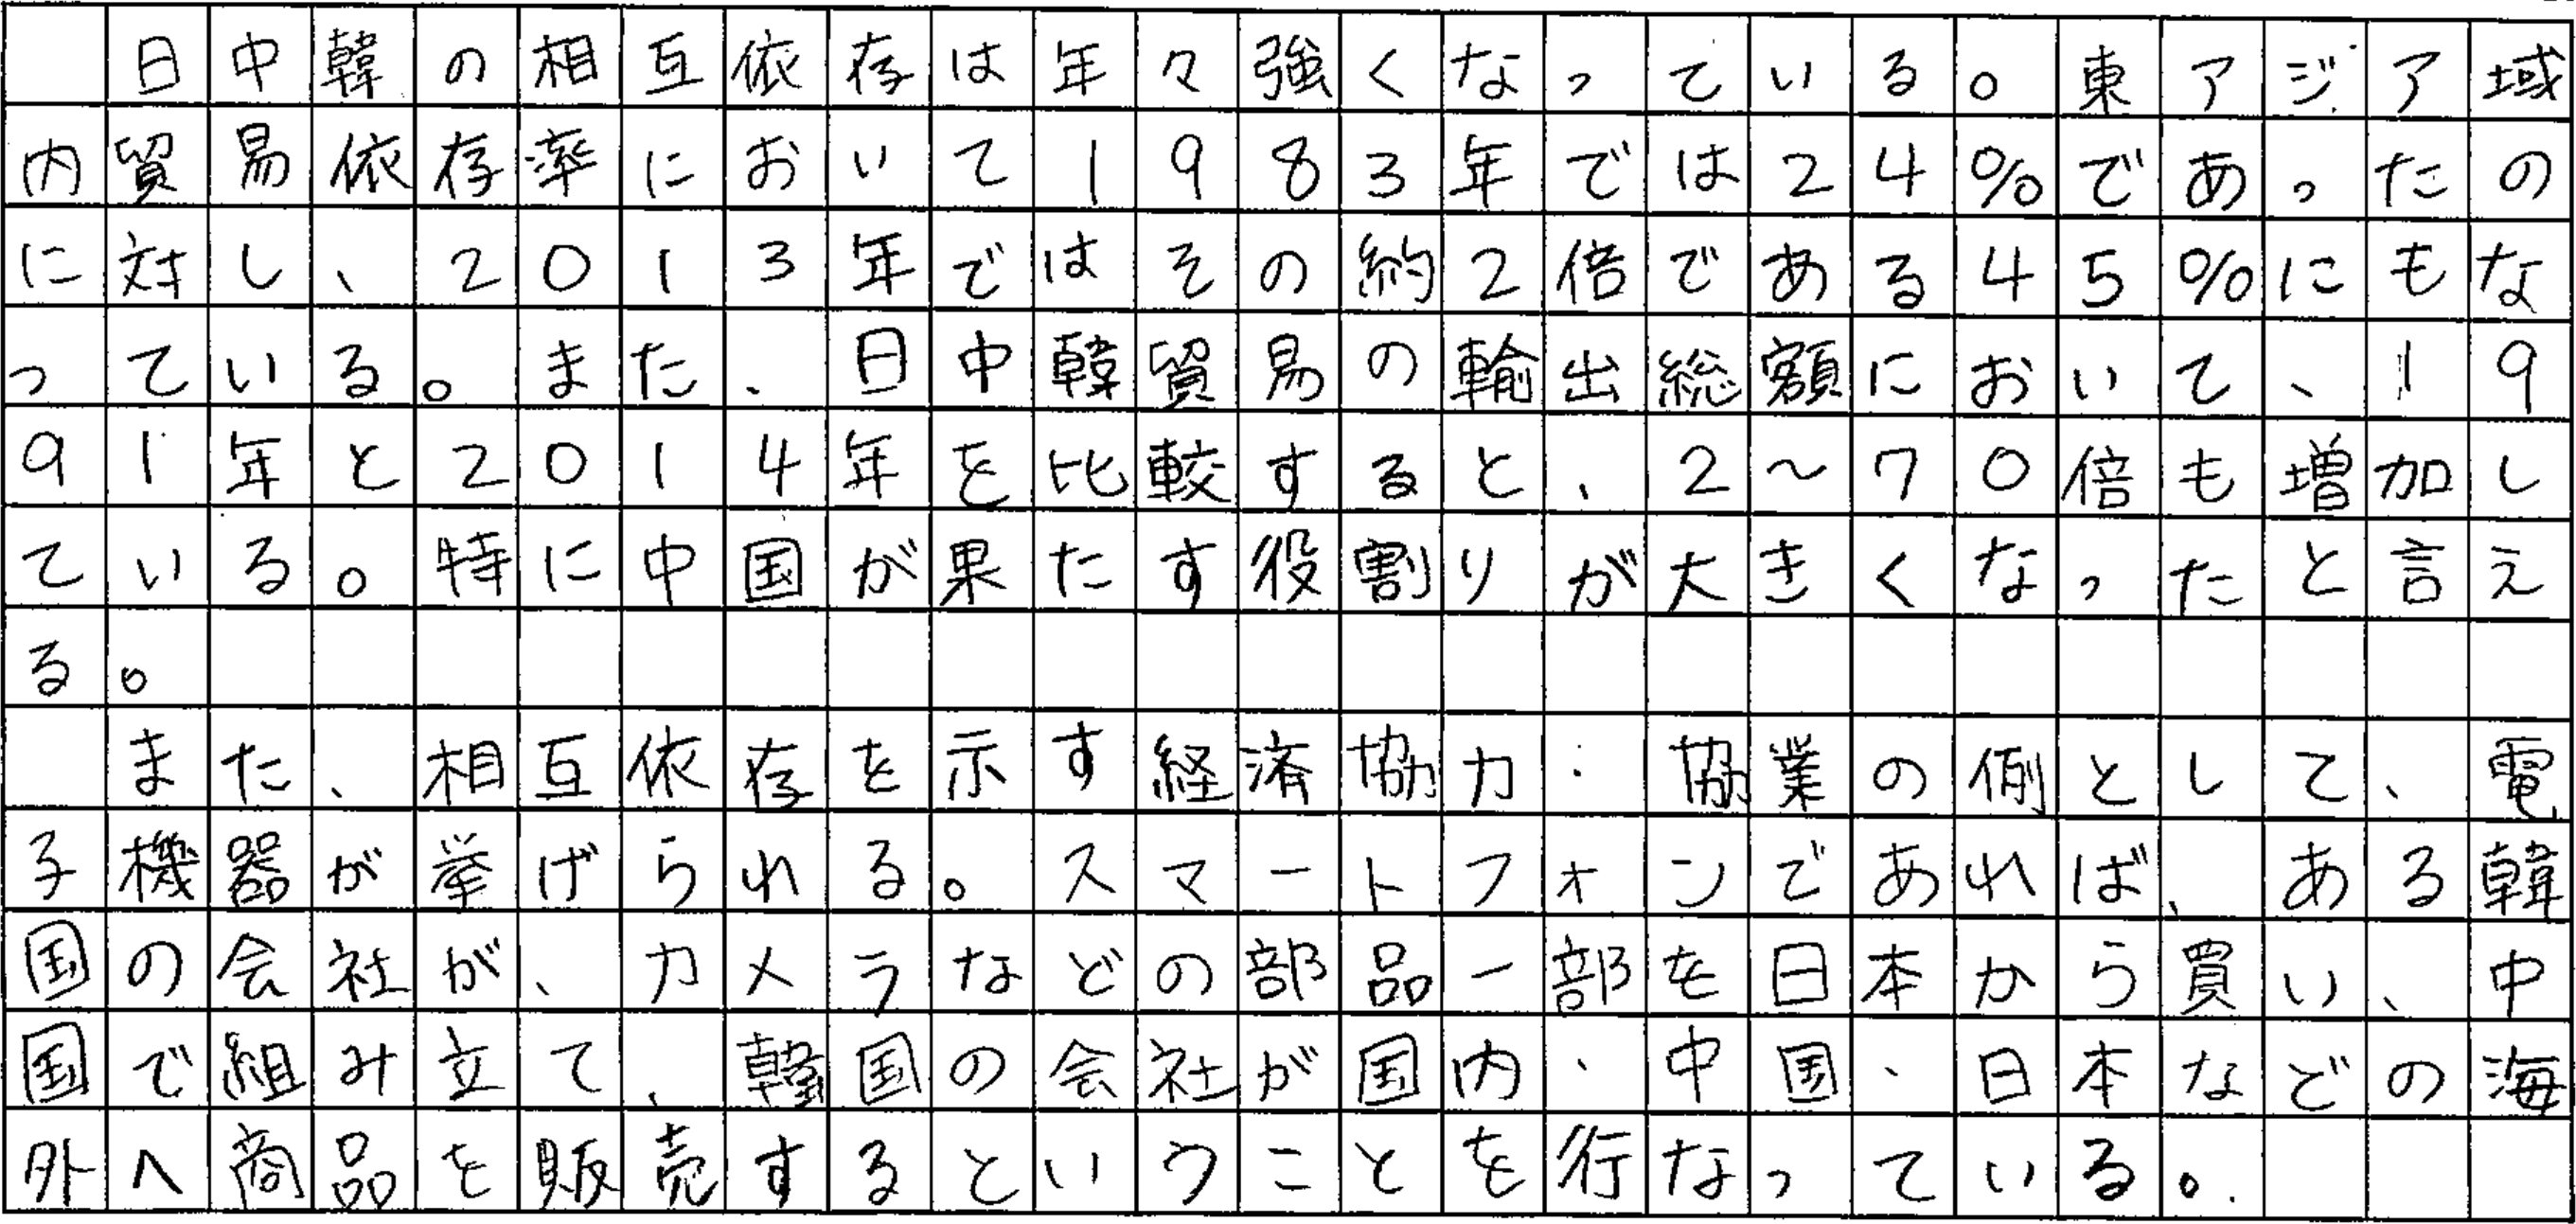　日中韓の相互依存は年々強くなっている。東アジア域内貿易依存率において１９８３年では２４％であったのに対し、２０１３年ではその約２倍である４５％にもなっている。また、日中韓貿易の輸出総額において、１９９１年と２０１４年を比較すると、２～７０倍も増加している。特に中国が果たす役割りが大きくなったと言える。
　また、相互依存を示す経済協力・協業の例として、電子機器が挙げられる。スマートフォンであれば、ある韓国の会社が、カメラなどの部品一部を日本から買い、中国で組み立て、韓国の会社が国内・中国・日本などの海外へ商品を販売するということを行なっている。
